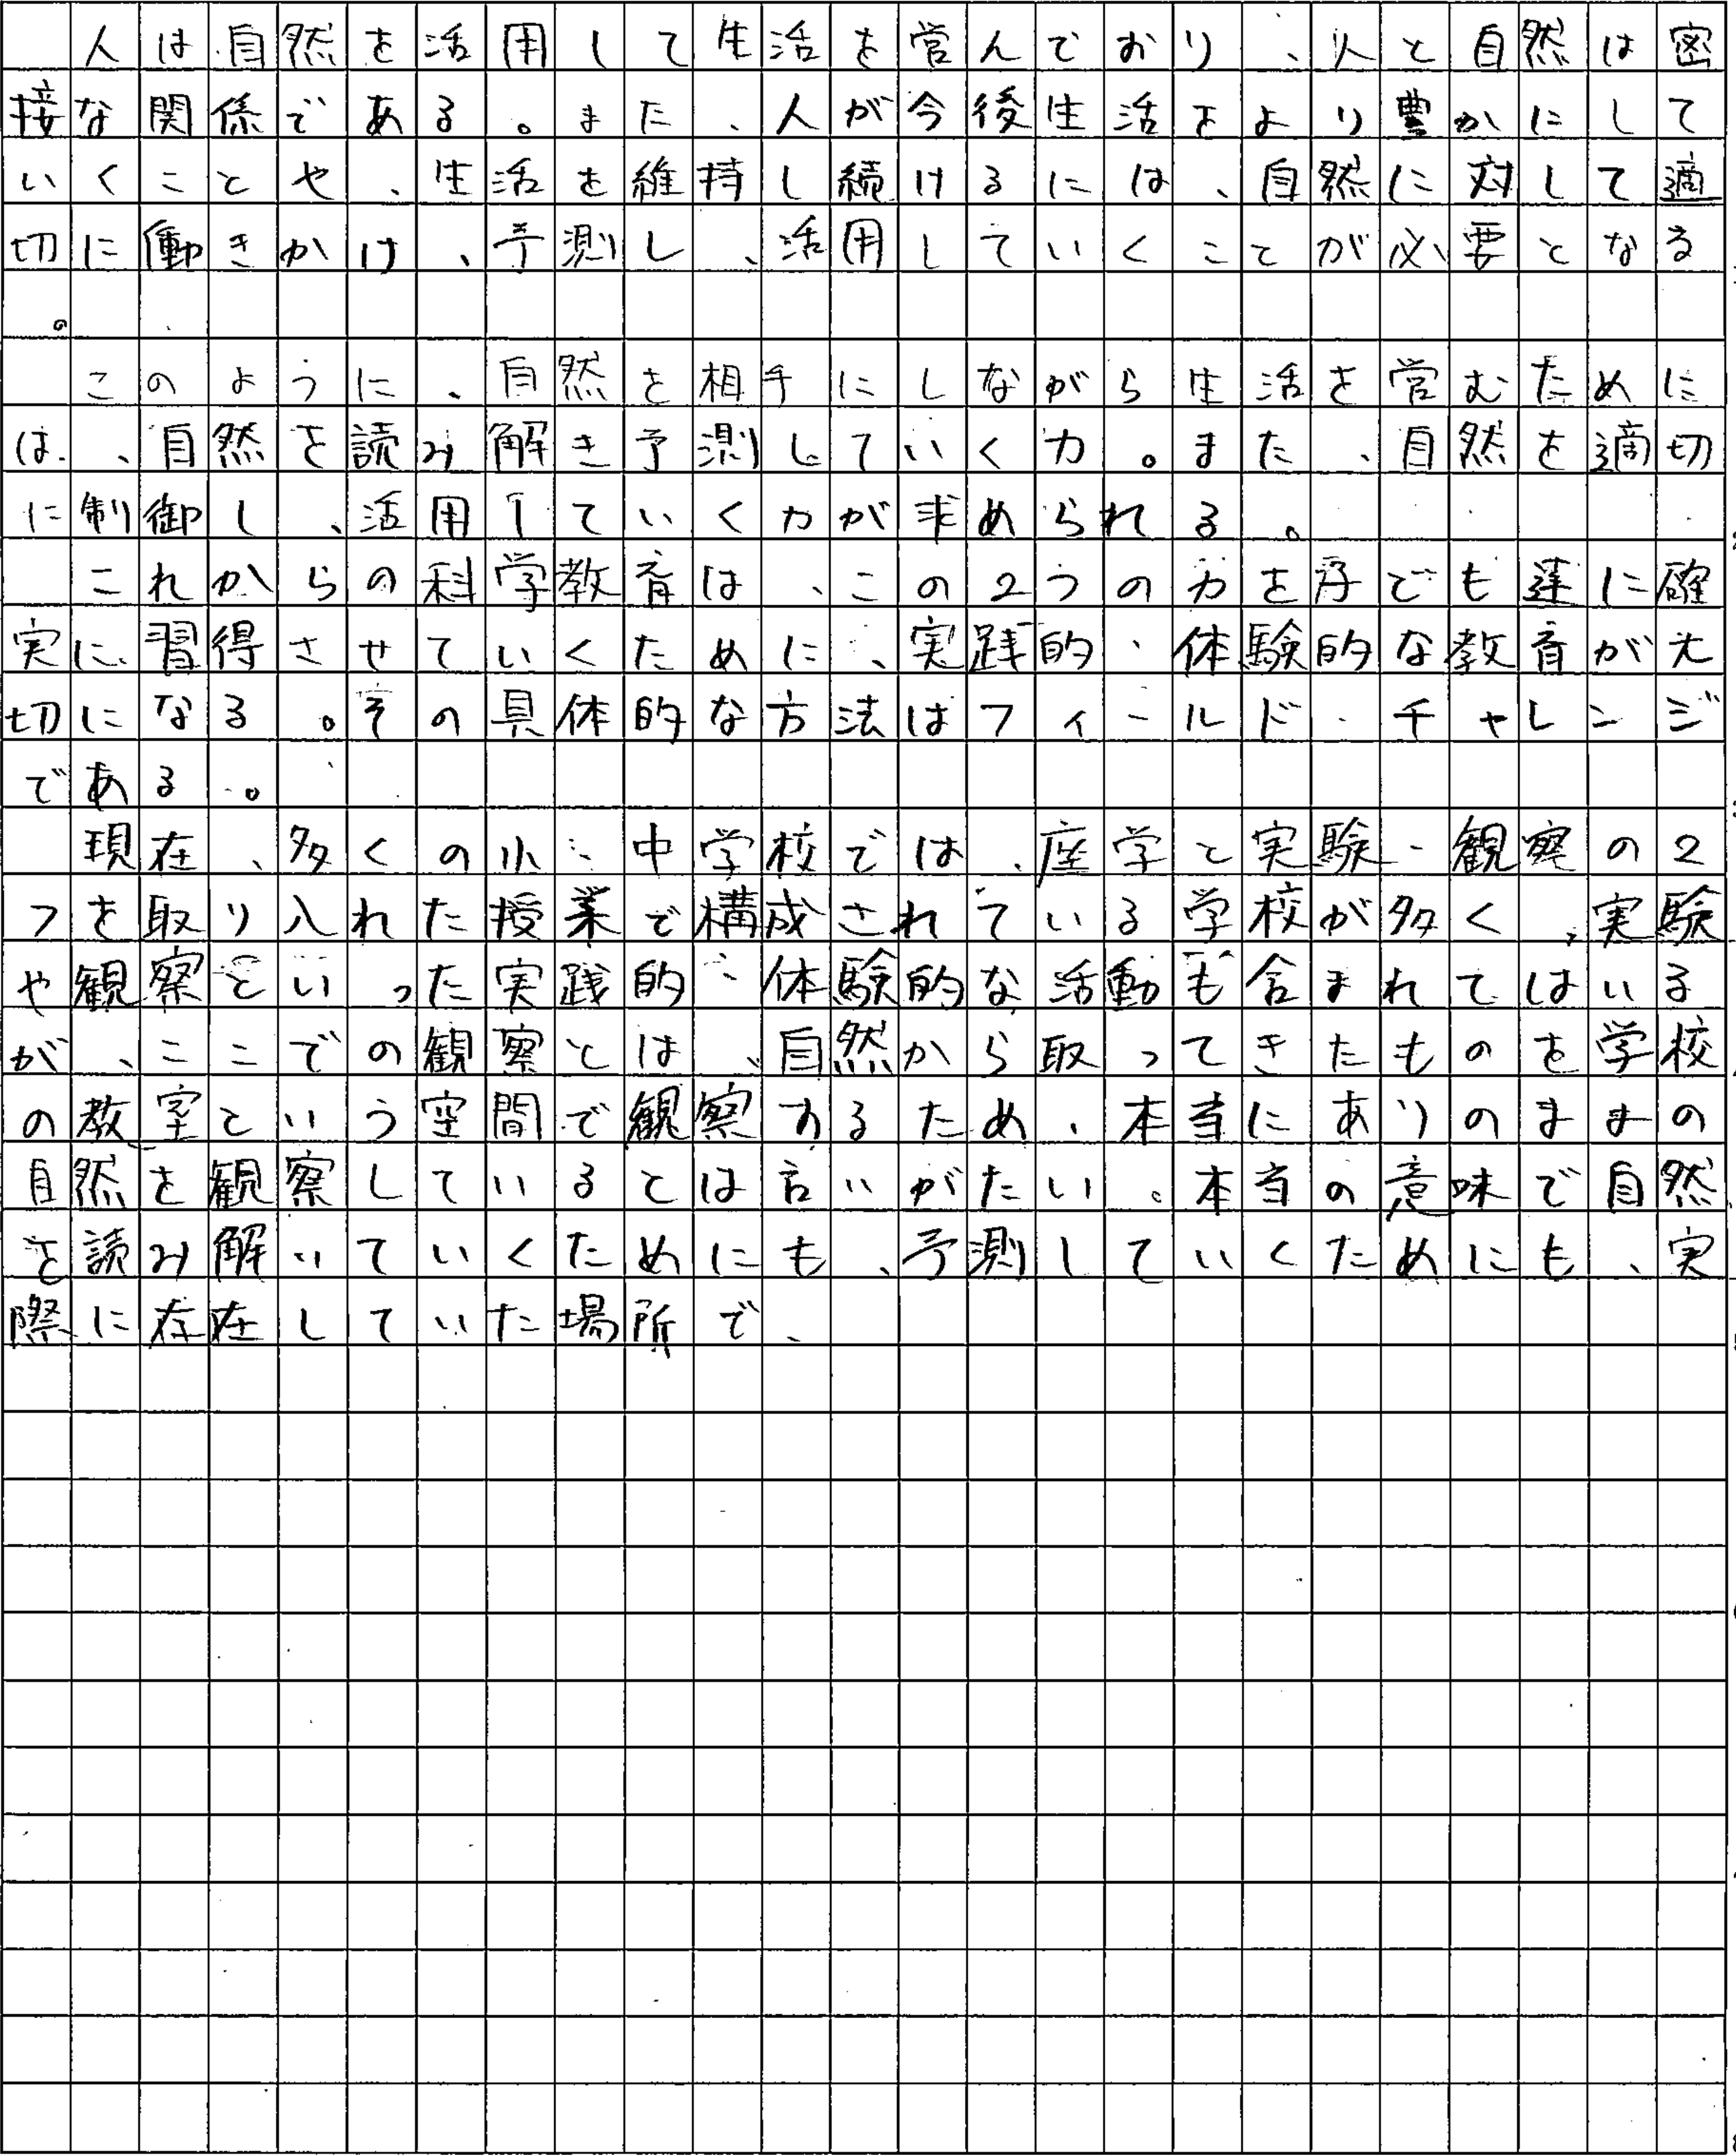　人は自然を活用して生活を営んでおり、人と自然は密接な関係である。また、人が今後生活をより豊かにしていくことや生活を維持し続けるには、自然に対して適切に働きかけ、予測し、活用していくことが必要となる。
　このように、自然を相手にしながら生活を営むためには、自然を読み解き予測していく力。また、自然を適切に制御し、活用していく力が求められる。
　これからの科学教育は、この２つの力を子ども達に確実に習得させていくために、実践的・体験的な教育が大切になる。その具体的な方法はフィールド・チャレンジである。
　現在、多くの小・中学校では、座学と実験・観察の２つを取り入れた授業で構成されている学校が多く、実験や観察といった実践的・体験的な活動も含まれてはいるが、ここでの観察とは、自然から取ってきたものを学校の教室という空間で観察するため、本当にありのままの自然を観察しているとは言いがたい。本当の意味で自然を読み解いていくためにも、予測していくためにも、実際に存在していた場所で、
